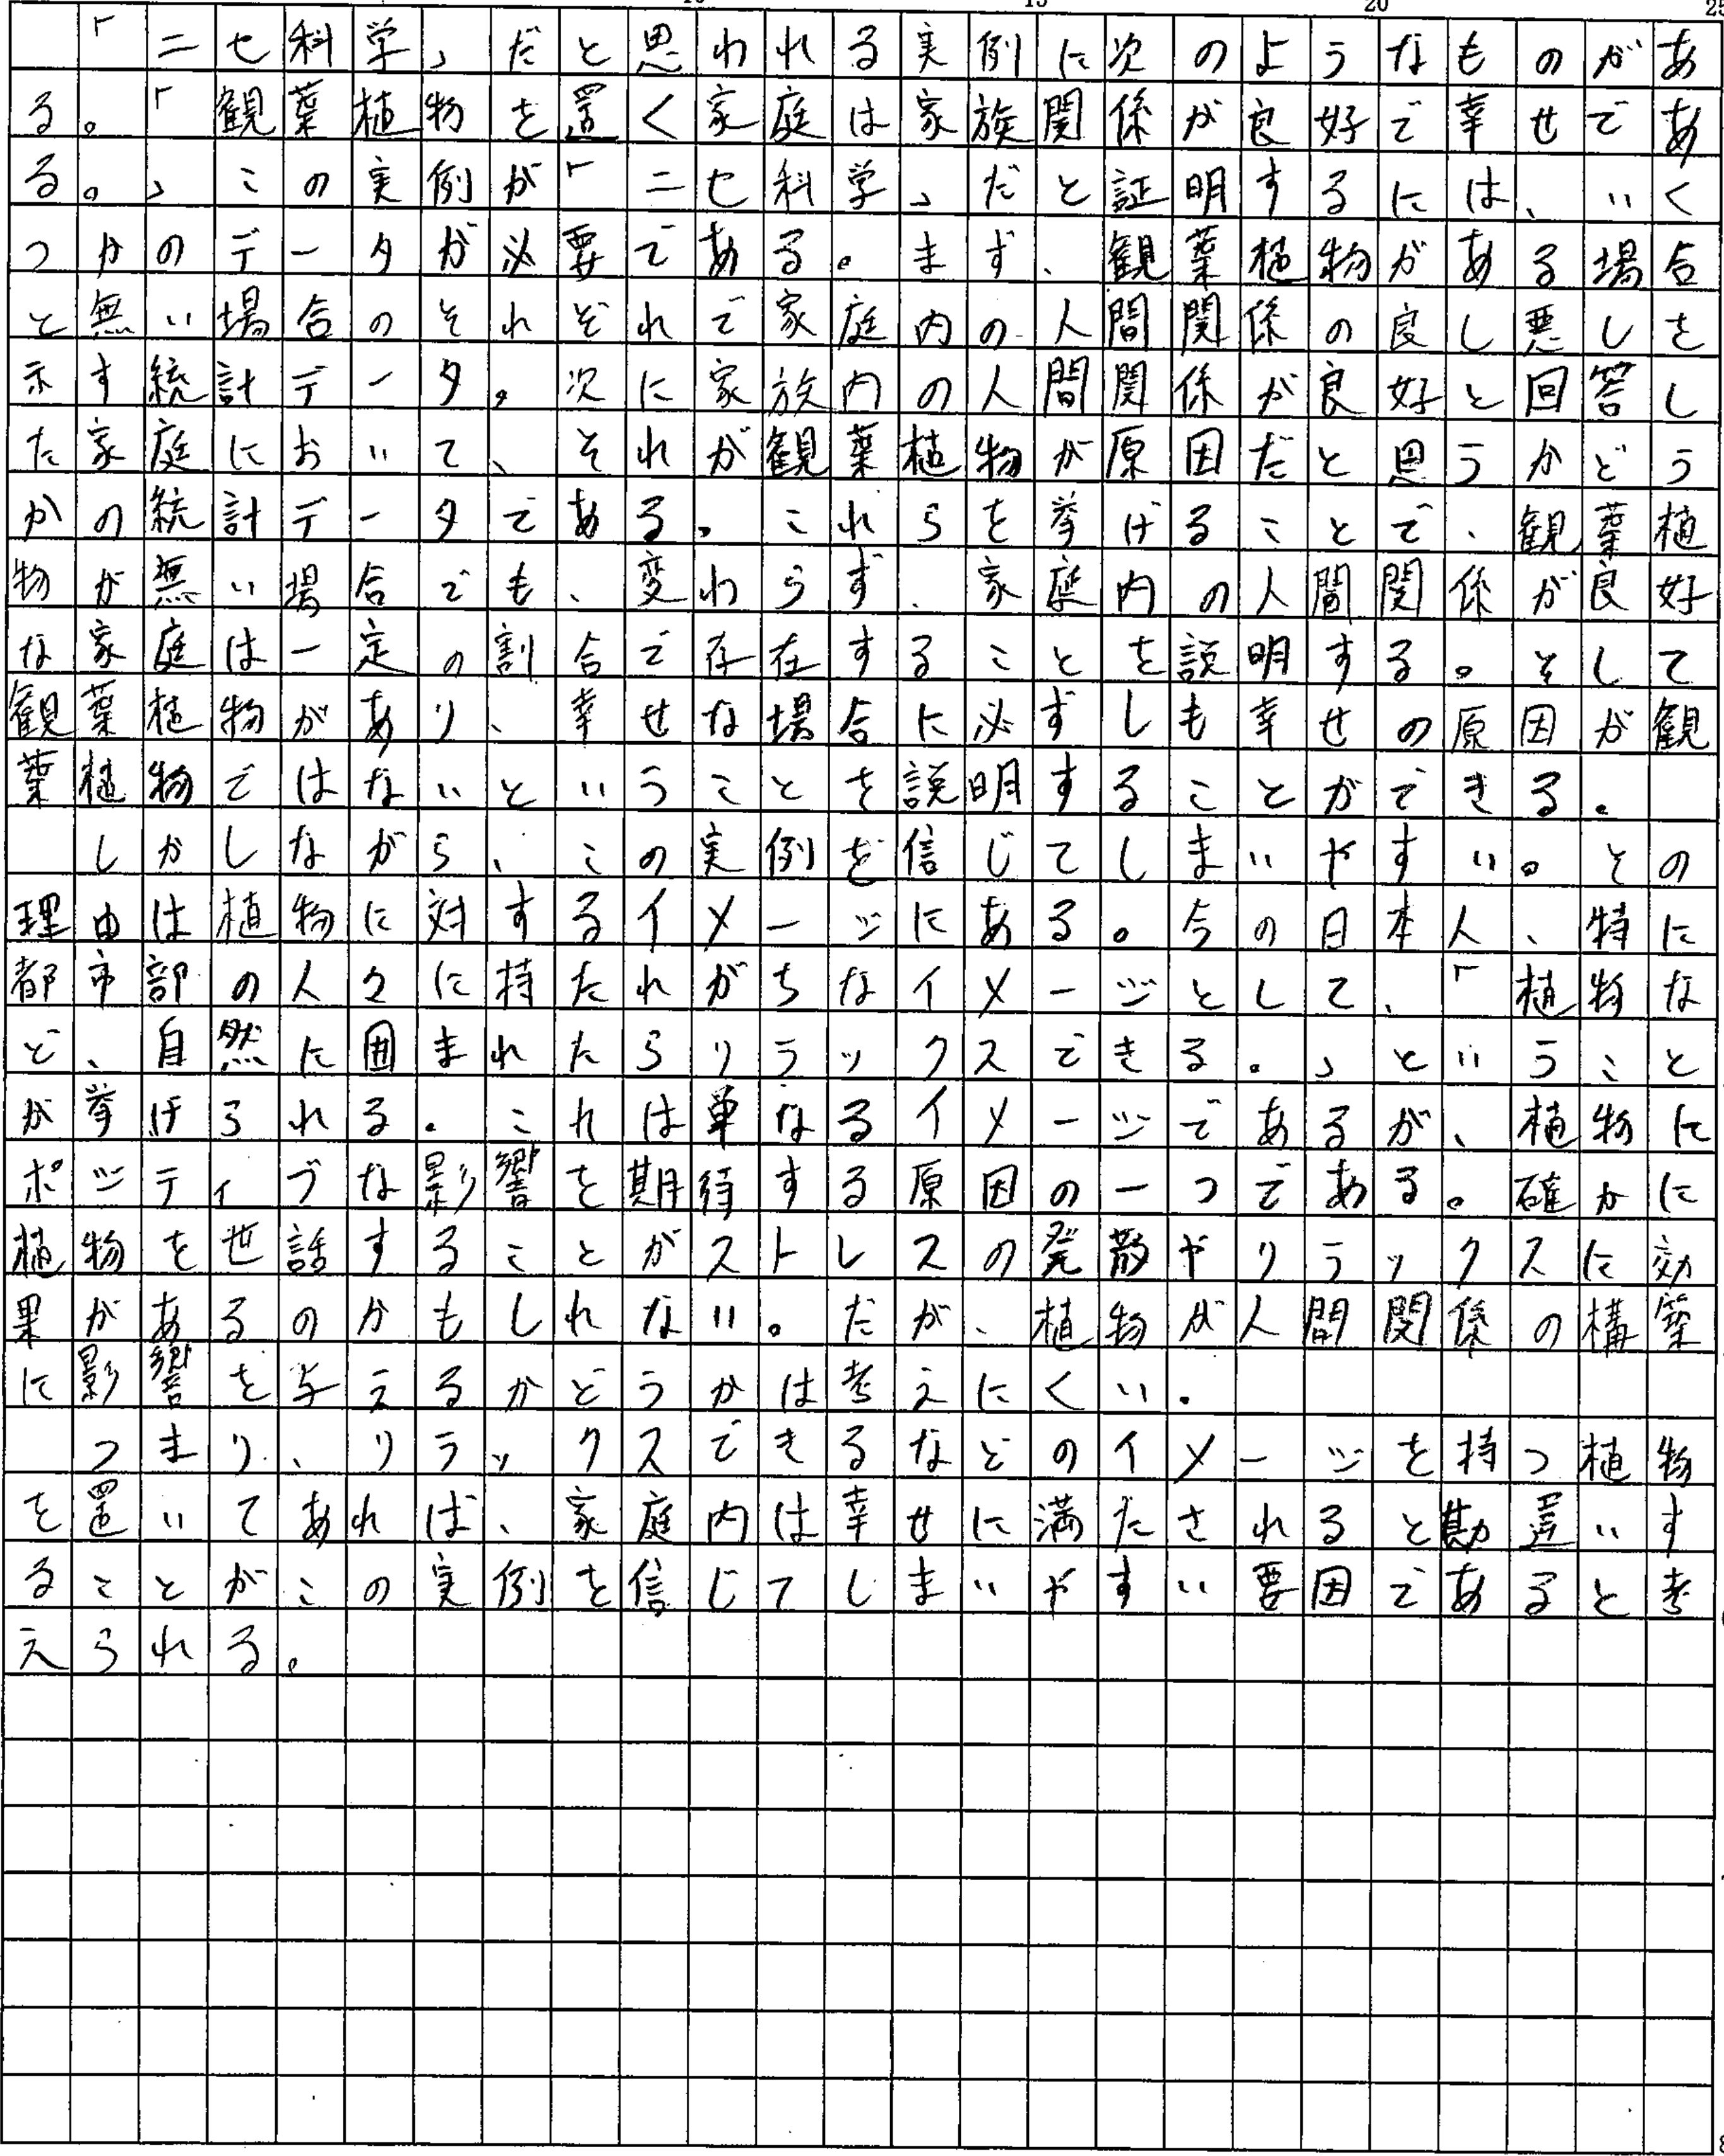　「ニセ科学」だと思われる実例に次のようなものがある。「観葉植物を置く家庭は家族関係が良好で幸せである。」この実例が「ニセ科学」だと証明するには、いくつかのデータが必要である。まず、観葉植物がある場合と無い場合のそれぞれで家庭内の人間関係の良し悪しを示す統計データ。次に家▁内の人間関係が良好と回答した家庭において、それが観葉植物が原因だと思うかどうかの統計データである。これらを挙げることで、観葉植物が無い場合でも、変わらず、家庭内の人間関係が良好な家庭は一定の割合で存在することを説明する。そして観葉植物があり、幸せな場合に必ずしも幸せの原因が観葉植物ではないということを説明することができる。
　しかしながら、この実例を信じてしまいやすい。その理由は植物に対するイメージにある。今の日本人、特に都市部の人々に持たれがちなイメージとして、「植物など、自然に囲まれたらリラックスできる。」ということが挙げられる。これは単なるイメージであるが、植物にポジティブな影響を期待する原因の一つである。確かに植物を世話することがストレスの発散やリラックスに効果があるのかもしれない。だが、植物が人間関係の構築に影響を与えるかどうかは考えにくい。
　つまり、リラックスできるなどのイメージを持つ植物を置いてあれば、家庭内は幸せに満たされると勘違いすることがこの実例を信じてしまいやすい要因であると考えられる。
